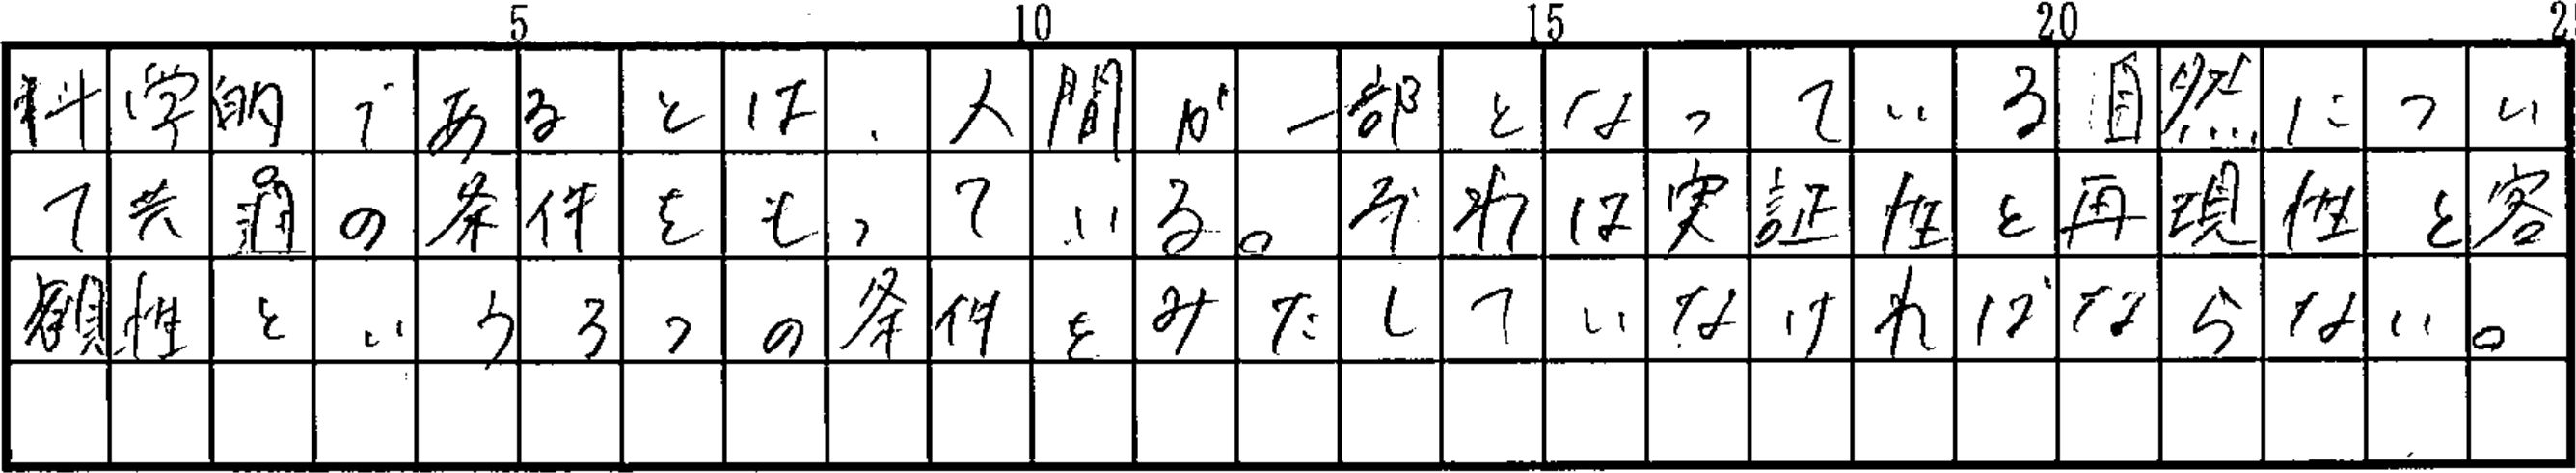科学的であるとは、人間が一部となっている自然について共通の条件をもっている。それは実証性と再現性と客観性という３つの条件をみたしていなければならない。
